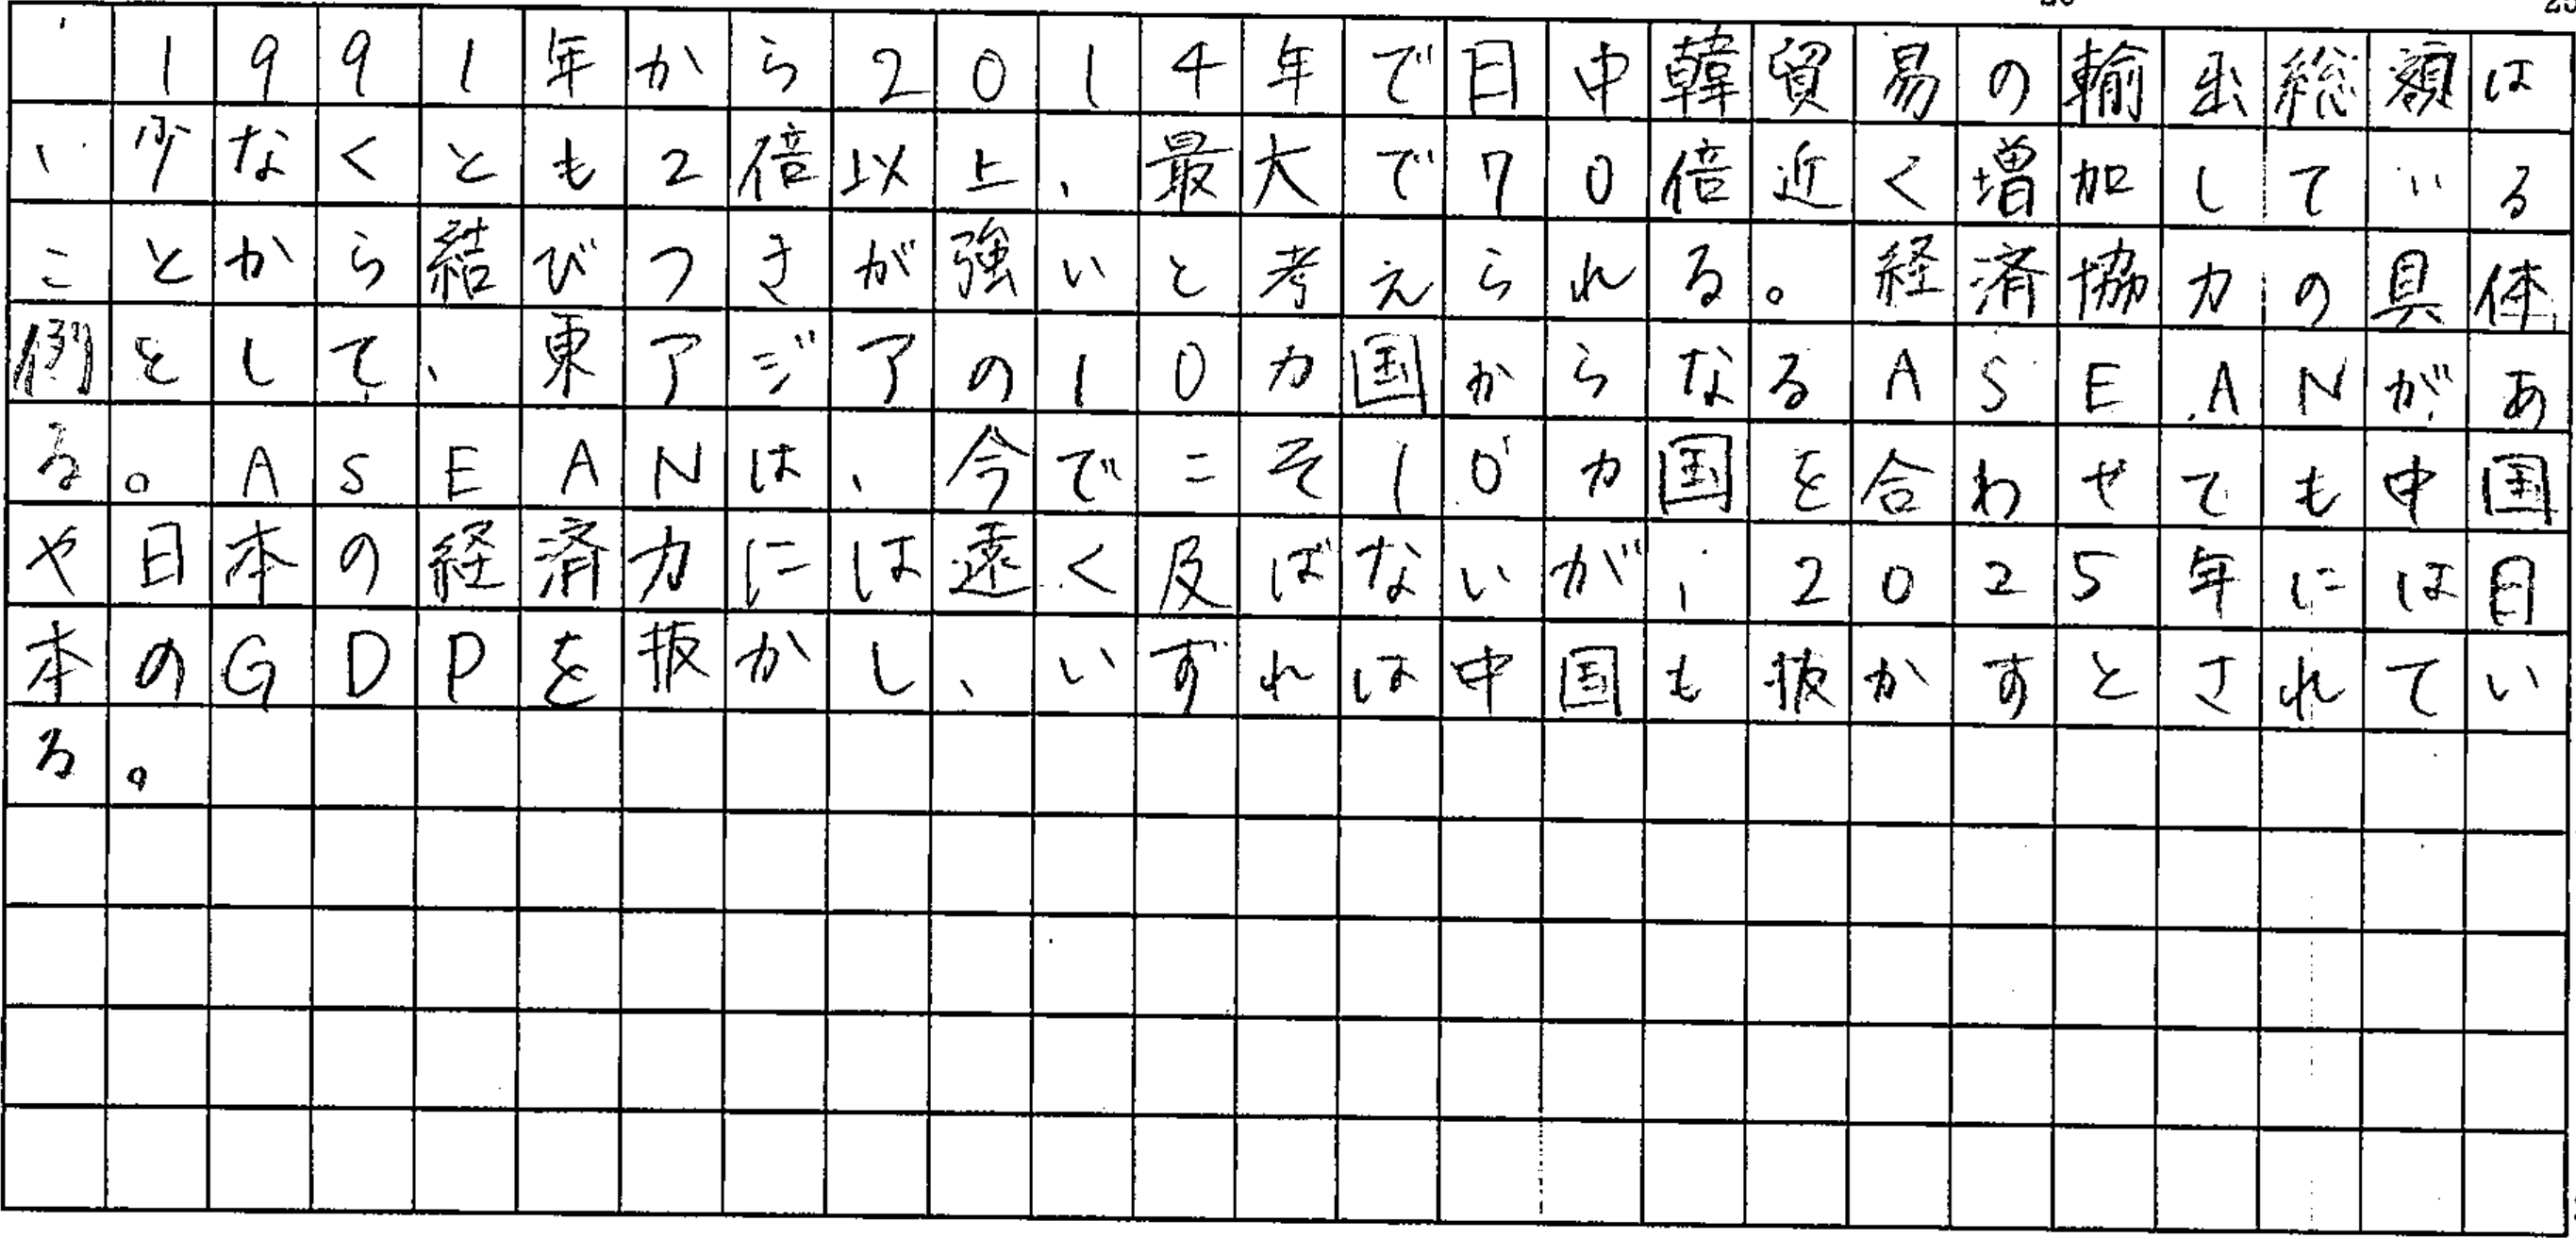　１９９１年から２０１４年で日中韓貿易の輸出総額は、少なくとも２倍以上、最大で７０倍近く増加していることから結びつきが強いと考えられる。経済協力の具体例として、東アジアの１０カ国からなるＡＳＥＡＮがある。ＡＳＥＡＮは、今でこそ１０カ国を合わせても中国や日本の経済力には遠く及ばないが、２０２５年には日本のＧＤＰを抜かし、いずれは中国も抜かすとされている。
